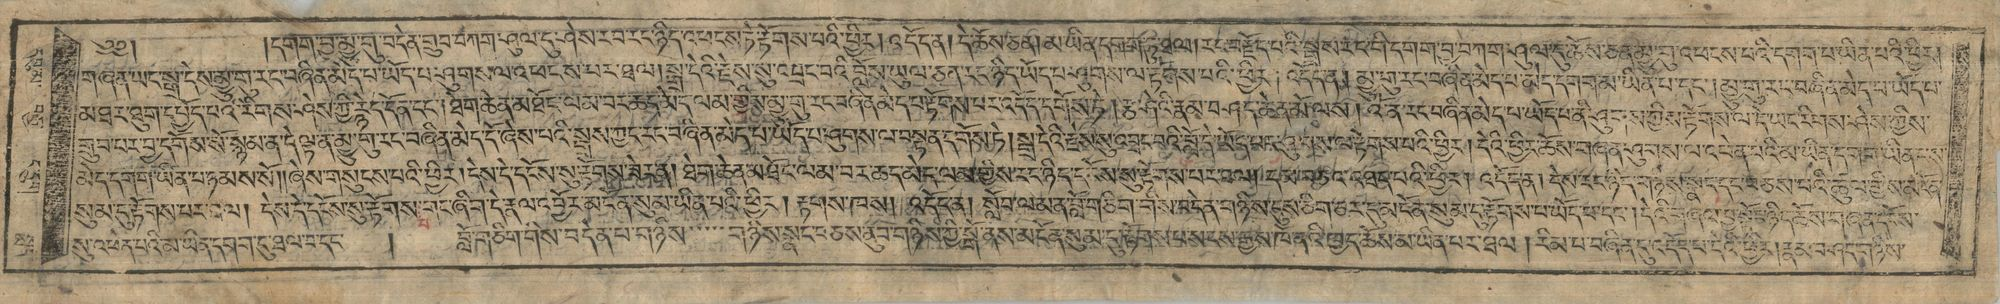༄༅། །དགག་བྱ་མྱུ་གུ་བདེན་གྲུབ་བཀག་ཤུལ་དུ་ཤེས་རབ་རང་ཉིད་འཕངས་ཏེ་རྟོགས་པའི་ཕྱིར། འདོད་ན། དེ་ཆོས་ཅན། མ་ཡིན་དགག་ཏུ་ཐལ། རང་བརྗོད་པའི་སྒྲས་རང་གི་དགག་བྱ་བཀག་ཤུལ་དུ་ཆོས་ཅན་མྱུ་གུ་འཕངས་པའི་དགག་པ་ཡིན་པའི་ཕྱིར།
གཞན་ཡང་སྒྲ་དེས་མྱུ་གུ་རང་བཞིན་མེད་པ་ཡོད་པ་ཤུགས་ལ་འཕངས་པར་ཐལ། སྒྲ་དེའི་རྗེས་སུ་འབྲང་བའི་བློས་ཡུལ་ཅན་རང་ཉིད་ཡོད་པ་ཤུགས་ལ་རྟོགས་པའི་ཕྱིར། འདོད་ན། མྱུ་གུ་རང་བཞིན་མེད་པ་མེད་དགག་མ་ཡིན་པ་དང་། མྱུ་གུ་རང་བཞིན་མེད་པ་ཡོད་པ་
མཐར་ཐུག་དཔྱོད་པའི་རིགས་ཤེས་ཀྱི་རྙེད་དོན་དང་། ཐེག་ཆེན་མཐོང་ལམ་བར་ཆད་མེད་ལམ་གྱིས་མྱུ་གུ་རང་བཞིན་མེད་པ་རྟོགས་པར་འདོད་དགོས་ཏེ། རྩ་ཤེའི་རྣམ་བཤད་ཆེན་མོ་ལས། འོ་ན་རང་བཞིན་མེད་པ་ཡོད་པ་ནི་ཤུགས་ཀྱིས་རྟོགས་ལ་དེ་ཡང་རིགས་ཤེས་ཀྱིས་
གྲུབ་པར་བྱ་དགོས་སོ་སྙམ་ན་དེ་ལྟ་ན་མྱུ་གུ་རང་བཞིན་མེད་དོ་ཞེས་པའི་སྒྲས་ཀྱང་རང་བཞིན་མེད་པ་ཡོད་པ་ཤུགས་ལ་བསྟན་དགོས་ཏེ། སྒྲ་དེའི་རྗེས་སུ་འབྲང་བའི་བློ་དེ་ཡོད་པར་ཤུགས་ལ་རྟོགས་པའི་ཕྱིར། དེའི་ཕྱིར་ཆོས་གཞན་ཤུགས་ལ་འཕེན་པའི་མ་ཡིན་དགག་ཡིན་པས་
མེད་དགག་ཡིན་པ་ཉམས་སོ། །ཞེས་གསུངས་པའི་ཕྱིར། དེས་དེ་དངོས་སུ་རྟོགས་ཟེར་ན། ཐེག་ཆེན་མཐོང་ལམ་བར་ཆད་མེད་ལམ་གྱིས་རང་ཉིད་དངོས་སུ་རྟོགས་པར་ཐལ། དམ་བཅའ་འཐད་པའི་ཕྱིར། འདོད་ན། དེས་རང་ཉིད་གཉིས་སྣང་དང་བཅས་པའི་ཚུལ་གྱིས་མངོན་
སུམ་དུ་རྟོགས་པར་ཐལ། དེས་དེ་དངོས་སུ་རྟོགས་པ་གང་ཞིག་དེ་རྣལ་འབྱོར་མངོན་སུམ་ཡིན་པའི་ཕྱིར། རྟགས་ཁས། འདོད་ན། སློབ་ལམ་ན་བློ་གཅིག་གིས་བདེན་གཉིས་དུས་ཅིག་ཅར་དུ་མངོན་སུམ་དུ་རྟོགས་པ་ཡོད་པ་དང་། དེའི་གཞལ་བྱ་སྟོང་ཉིད་ཆོས་གཞན་དངོས་
སུ་འཕེན་པའི་མ་ཡིན་དགག་དུ་ཐལ་བ་དང་། བློ་གཅིག་གིས་བདེན་པ་གཉིས་གཉིས་སྣང་བཅས་ནུབ་གཉིས་ཀྱི་སྒོ་ནས་མངོན་སུམ་དུ་རྟོགས་པ་སངས་རྒྱས་ཁོ་ནའི་ཁྱད་ཆོས་མ་ཡིན་པར་ཐལ། རིམ་པ་བཞིན་དུ་འདོད་པ་དེའི་ཕྱིར། རྣམ་བཤད་གཉིས་